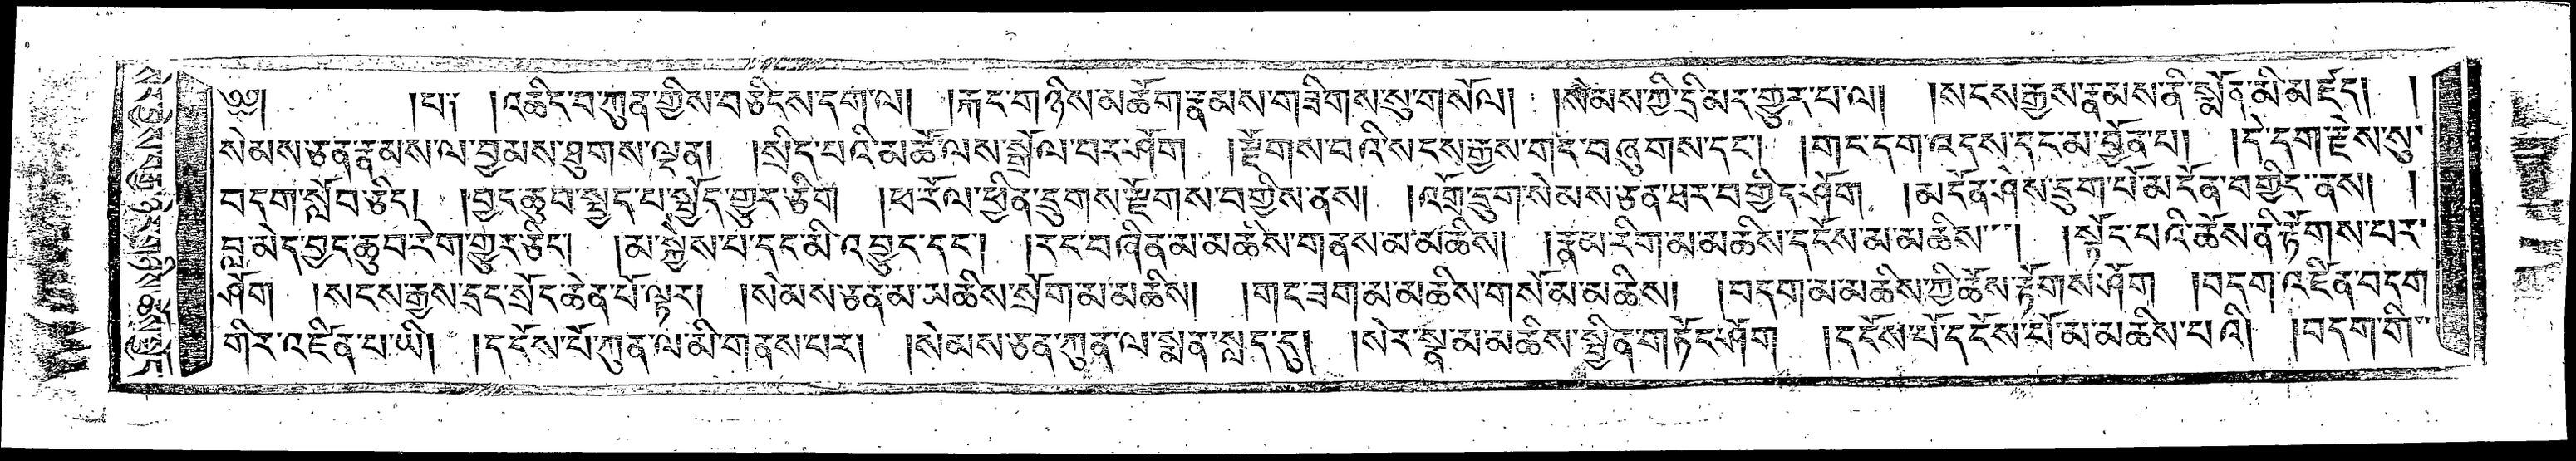༄༅། །པ༑ ༑འཆིང་བ་ཀུན་གྱིས་བཅིངས་དག་ལ། །རྐང་གཉིས་མཆོག་རྣམས་གཟིགས་སུ་གསོལ། །སེམས་ཀྱི་དྲི་མར་གྱུར་པ་ལ། །སངས་རྒྱས་རྣམས་ནི་སྨོན་མི་མཛད། །
སེམས་ཅན་རྣམས་ལ་བྱམས་ཐུགས་ལྡན། །སྲིད་པའི་མཚོ་ལས་སྒྲོལ་བར་ཤོག །རྫོགས་བའི་སངས་རྒྱས་གང་བཞུགས་དང་། །གང་དག་འདས་དང་མ་བྱོན་པ། །དེ་དག་རྗེས་སུ་
བདག་སློབ་ཅིང་། །བྱང་ཆུབ་སྤྱད་པ་སྤྱོད་གྱུར་ཅིག །ཕ་རོལ་ཕྱིན་དྲུགས་རྫོགས་བགྱིས་ནས། །འགྲོ་དྲུག་སེམས་ཅན་ཐར་བགྱིད་ཤོག །མངོན་ཤེས་དྲུག་པོ་མངོན་བགྱིད་ནས། །
བླ་མེད་བྱང་ཆུབ་རེག་གྱུར་ཅིང་། །མ་སྐྱེས་པ་དང་མི་འབྱུང་དང་། །རང་བཞིན་མ་མཆིས་གནས་མ་མཆིས། །རྣམ་རིག་མ་མཆིས་དངོས་མ་མཆིས། །སྟོང་པའི་ཆོས་ནི་རྟོགས་པར་
ཤོག །སངས་རྒྱས་དྲང་སྲོང་ཆེན་པོ་ལྟར། །སེམས་ཅན་མ་མཆིས་སྲོག་མ་མཆིས། །གང་ཟག་མ་མཆིས་གསོ་མ་མཆིས། །བདག་མ་མཆིས་ཀྱི་ཆོས་རྟོགས་ཤོག །བདག་འཛིན་བདག་
གིར་འཛིན་པ་ཡི། །དངོས་པོ་ཀུན་ལ་མི་གནས་པར། །སེམས་ཅན་ཀུན་ལ་སྨན་སླད་དུ། །སེར་སྣ་མ་མཆིས་སྦྱིན་གཏོང་ཤོག །དངོས་པོ་དངོས་པོ་མ་མཆིས་པའི། །བདག་གི་